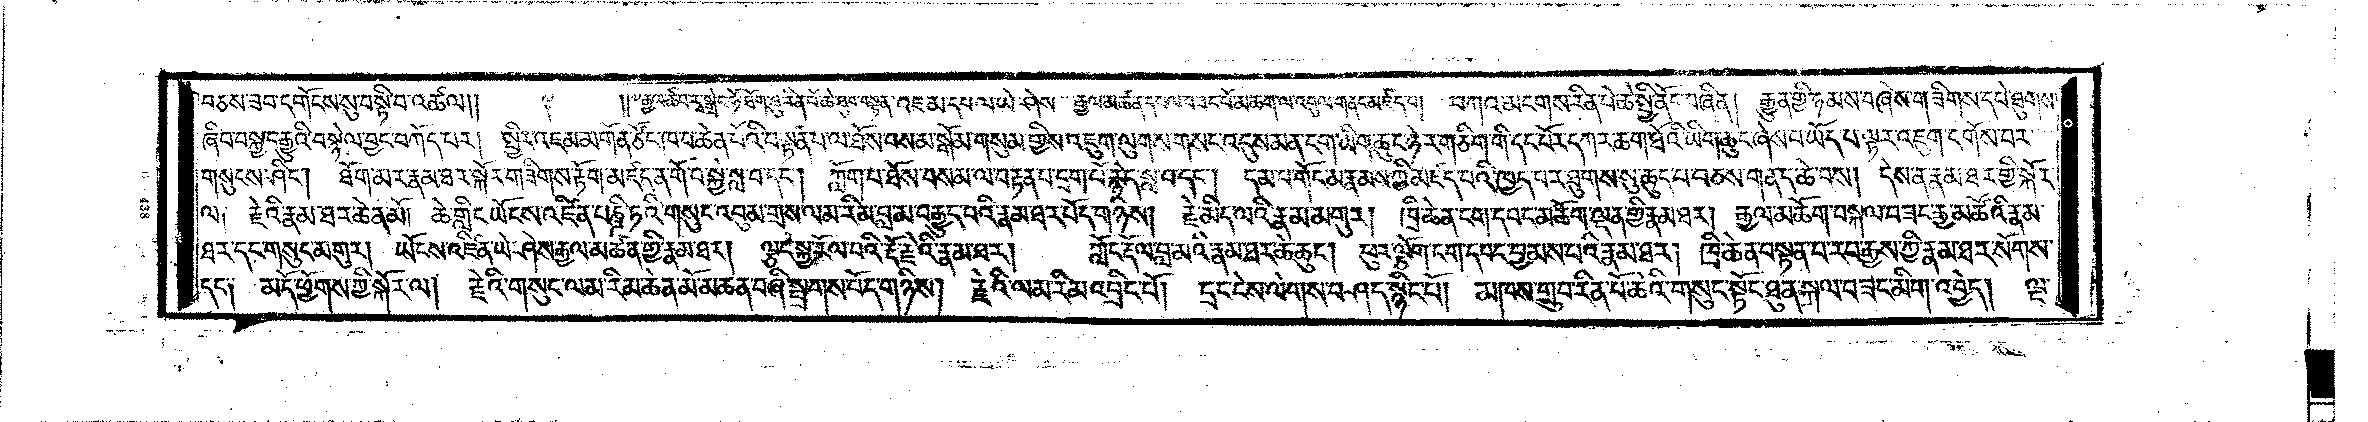བཅས་ཟབ་དགོངས་སུ་བསྟི་བ་འཚལ།། ༈ །།༧རྒྱལ་ཚབ་རྭ་སྒྲེང་ཧོ་ཐོག་ཐུ་རིན་པོ་ཆེ་ཐུབ་བསྟན་འཇམ་དཔལ་ཡེ་ཤེས་རྒྱལ་མཚན་དཔལ་བཟང་པོ་མ་ཆག་ལ་འབུལ་གནང་མཛད་པ།  བཀའ་མངགས་རིན་པོ་ཆེ་སྤྱི་ནོང་བཞིན། རྒྱུན་གྱི་ཉམས་བཞེས་གཟིགས་དཔེ་ཐུགས་
ཞིབ་བསྐྱང་རྒྱུའི་བསྙེལ་བྱང་བཀོད་པར། སྤྱིར་འཇམ་མགོན་ཙོང་ཁ་པ་ཆེན་པོའི་བསྟན་པ་ལ་ཐོས་བསམ་སྒོམ་གསུམ་གྱིས་འཇུག་ལུགས་གསང་འདུས་མན་ངག་ཡིག་ཆུང་ཉེར་གཅིག་གི་དང་པོར་དཀར་ཆག་ཐོའི་ཡིག་ཆུང་ཞེས་པ་ཡོད་པ་ལྟར་འཇུག་དགོས་བར་
གསུངས་ཤིང་། ཐོག་མར་རྣམ་ཐར་སྐོར་གཟིགས་རྟོག་མཛད་ན་གོ་བ་སྐྱེ་སླ་བ་དང་། ཀློག་པ་ཐོས་བསམ་ལ་བརྟན་པ་དྲག་པོ་རྙེད་སླ་བ་དང་། དམ་པ་གོང་མ་རྣམས་ཀྱི་མཛད་པའི་ཁྱད་པར་ཐུགས་སུ་ཆུད་པ་བཅས་གནད་ཆེ་བས། དེས་ན་རྣམ་ཐར་གྱི་སྐོར་
ལ༑ རྗེའི་རྣམ་ཐར་ཆེན་མོ། ཆེ་གླིང་ཡོངས་འཛིན་པཎྜི་ཏའི་གསུང་འབུམ་གྲས་ལམ་རིམ་བླ་མ་བརྒྱུད་པའི་རྣམ་ཐར་བོད་གཉིས། རྗེ་མིད་ལའི་རྣམ་མགུར། ཁྲི་ཆེན་ངག་དབང་མཆོག་ལྡན་གྱི་རྣམ་ཐར། རྒྱལ་མཆོག་བསྐལ་བཟང་རྒྱ་མཚོའི་རྣམ་
ཐར་དང་གསུང་མགུར། ཡོངས་འཛིན་ཡེ་ཤེས་རྒྱལ་མཚན་གྱི་རྣམ་ཐར། ལྕང་སྐྱ་རོལ་བའི་རྡོ་རྗེའི་རྣམ་ཐར། ཀློང་རྡོལ་བླ་མའི་རྣམ་ཐར་ཆེ་ཆུང་། ཕུར་ལྕོག་ངག་དབང་བྱམས་པའི་རྣམ་ཐར། ཁྲི་ཆེན་བསྟན་བ་རབ་རྒྱས་ཀྱི་རྣམ་ཐར་སོགས་
དང༑ མདོ་ཕྱོགས་ཀྱི་སྐོར་ལ། རྗེའི་གསུང་ལམ་རིམ་ཆེན་མོ་མཆན་བཞི་སྦྲགས་བོད་གཉིས། རྗེའི་ལམ་རིམ་འབྲིང་པོ། དྲང་ངེས་ལེགས་བཤད་སྙིང་པོ། མཁས་གྲུབ་རིན་པོ་ཆེའི་གསུང་སྟོང་ཐུན་སྐལ་བཟང་མིག་འབྱེད། ལྔ་